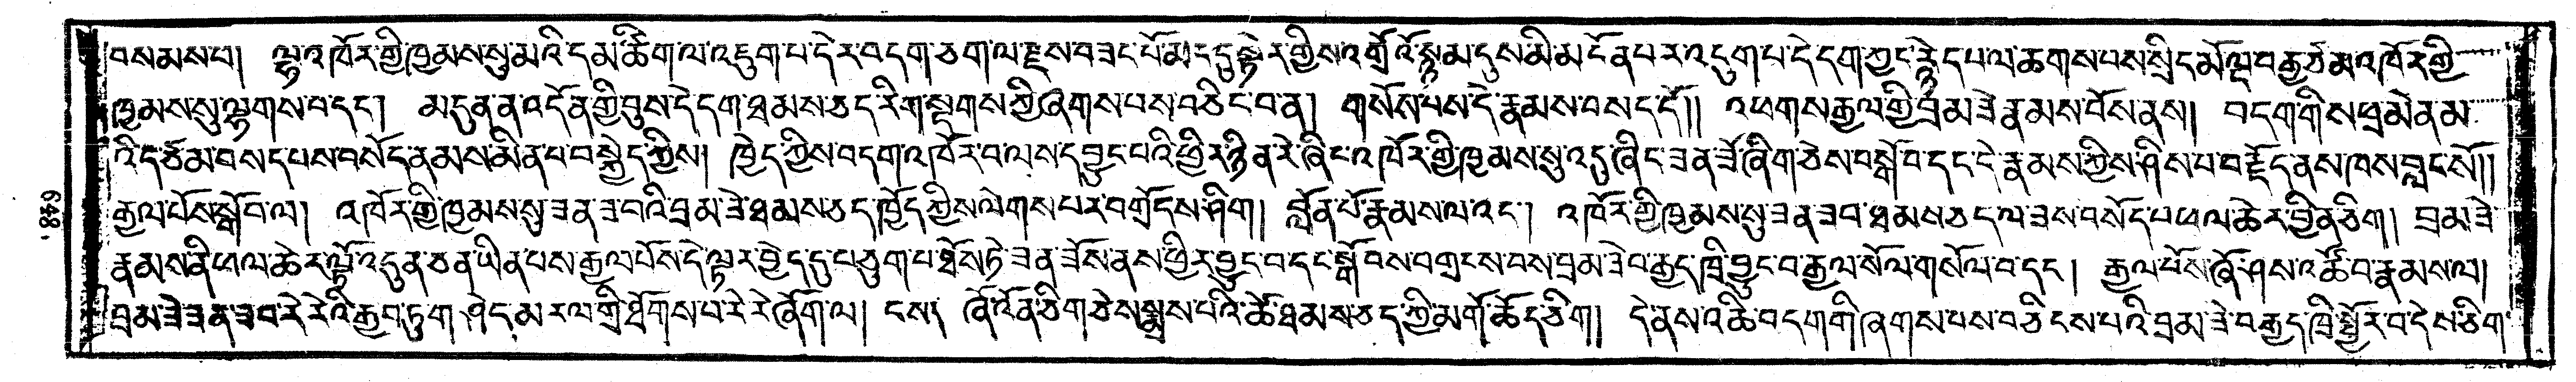བསམས་པ། ལྷ་འཁོར་གྱི་ཁྱམས་སུ་མའི་དམ་ཚིག་ལ་འཇུག་པ་དེར་བདག་ཅག་ལ་རྫས་བཟང་པོ་མང་དུ་སྟེར་གྱིས་འགྲོའོ་སྙམ་དུས་མི་མངོན་པར་འདུག་པ་དེ་དག་ཀྱང་རྙེད་པ་ལ་ཆགས་པས་སྲིང་མོ་ལྔ་བརྒྱ་ཙམ་འཁོར་གྱི་
ཁྱམས་སུ་ལྷགས་བ་དང་། མདུན་ན་འདོན་གྱི་བུས་དེ་དག་ཐམས་ཅད་རིག་སྔགས་ཀྱི་ཞགས་པས་བཅིང་བ་ན། གསོས་པས་དེ་རྣམས་བསད་དོ།། འཕགས་རྒྱལ་གྱི་བྲམ་ཟེ་རྣམས་བོས་ནས། བདག་གིས་ཕྲ་མེན་མ་
འདི་ཙམ་བསད་པས་བསོད་ནམས་མིན་བ་བསྐྱེད་ཀྱིས། ཁྱེད་ཀྱིས་བདག་འཁོར་བ་ལས་དབྱུང་བའི་ཕྱིར་ཉིན་རེ་ཞིང་འཁོར་གྱི་ཁྱམས་སུ་འདུ་ཞིང་ཟན་ཟོ་ཞིག་ཅེས་བསྒོ་བ་དང་དེ་རྣམས་ཀྱིས་ཤིས་པ་བརྗོད་ནས་ཁས་བླང་སོ།།
རྒྱལ་པོས་སྒོབ་ལ། འཁོར་གྱི་ཁྱམས་སུ་ཟན་ཟ་བའི་བྲམ་ཟེ་ཐམས་ཅད་ཁྱོད་ཀྱིས་ལེགས་པར་བགྲོངས་ཤིག། བློན་པོ་རྣམས་ལ་འང་། འཁོར་གྱི་ཁྱམས་སུ་ཟན་ཟབ་ཐམས་ཅད་ལ་ཟས་བསོད་པ་ཕལ་ཆེར་བྱིན་ཅིག། བྲམ་ཟེ་
རྣམས་ནི་ཕལ་ཆེར་ལྟོ་འདུན་ཅན་ཡིན་པས་རྒྱལ་པོས་དེ་ལྟར་བྱེད་དུ་བཅུག་པ་ཐོས་ཏེ་ཟན་ཟོས་ནས་ཕྱིར་བྱུང་བ་དང་སྒོབས་བགྲངས་བས་བྲམ་ཟེ་བརྒྱད་ཁྲི་བྱུང་བ་རྒྱལ་སོལ་གསོལ་བ་དང་། རྒྱལ་པོས་ཞོ་ཤས་འཚོ་བ་རྣམས་ལ།
བྲམ་ཟེ་ཟན་ཟབ་རེ་རེའི་རྒྱབ་ཏུ་གཤེད་མ་རལ་གྲི་ཐོགས་པ་རེ་རེ་ཞོག་ལ། ངས། ཞོ་འོན་ཅིག་ཅེས་སྨྲས་པའི་ཆོ་ཐམས་ཅད་ཀྱི་མགོ་ཆོད་ཅིག། དེ་ནས་འཆི་བདག་གི་ཞགས་པས་བཅིངས་པའི་བྲམ་ཟེ་བརྒྱད་ཁྲི་སྦྱོར་བ་དེས་ཅིག་